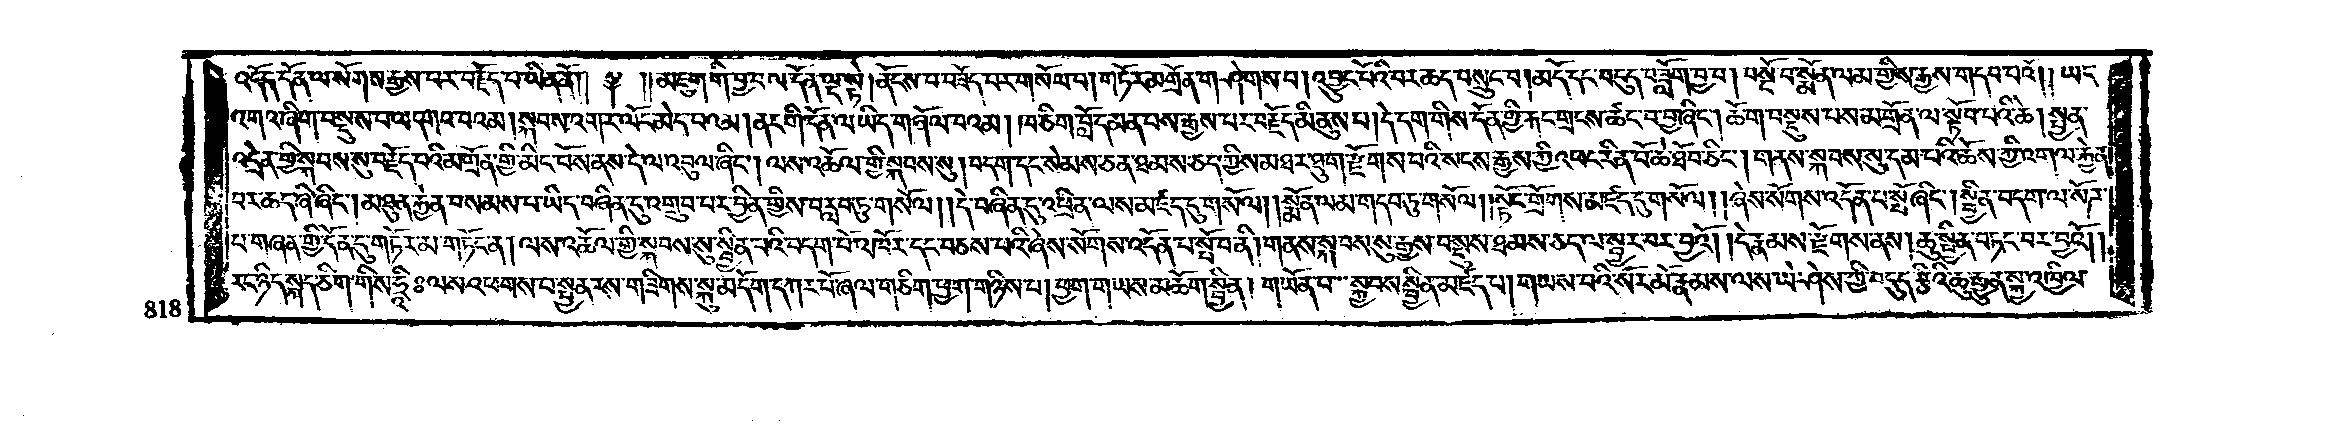འདོད་དོན་ལ་སོགས་རྒྱས་པར་བརྗོད་པ་ཡིན་ནོ།། ༈ །།མཇུག་གི་བྱ་བ་ལ་དོན་ལྔ་སྟེ། ནོངས་པ་བཟོད་པར་གསོལ་བ། གཏོར་མགྲོན་གཤེགས་པ། འབྱུང་པོའི་བར་ཆད་བསྲུང་བ། མདོ་དང་བདུད་བཟློག་བྱ་བ། བསྔོ་བ་སྨོན་ལམ་གྱིས་རྒྱས་གདབ་པའོ། །ཡང་
འགའ་ཞིག་བསྡུས་པ་ལ་དགའ་བའམ། སྐབས་འགར་ལོང་མེད་པའམ། ནང་གི་དོན་ལ་ཡིད་གཞོལ་བའམ། ཁ་ཅིག་བློ་དམན་པས་རྒྱས་པར་བརྗོད་མི་ནུས་པ། དེ་དག་གིས་དོན་གྱི་རྐང་གྲངས་ཚང་བ་བྱ་ཞིང་། ཆོ་ག་བསྡུས་པས་མགྲོན་ལ་སྟོབ་པའི་ཆེ། སྤྱན་
འདྲེན་གྱི་སྐབས་སུ་བརྗོད་པའི་མགྲོན་གྱི་མིང་པོས་ནས་དེ་ལ་འབུལ་ཞིང་། ལས་འཆེལ་གྱི་སྐབས་སུ། བདག་དང་སེམས་ཅན་ཐམས་ཅད་ཀྱིས་མཐར་ཐུག་རྫོགས་པའི་སངས་རྒྱས་ཀྱི་འཕང་རིན་པོ་ཆེ་ཐོབ་ཅིང་། གནས་སྐབས་སུ་དམ་པའི་ཆོས་ཀྱི་འགལ་རྐྱེན་
བར་ཆད་ཞི་ཞིང་། མཐུན་རྐྱེན་བསམས་པ་ཡིད་བཞིན་དུ་འགྲུབ་པར་བྱིན་གྱིས་བརླབ་ཏུ་གསོལ། །དེ་བཞིན་དུ་འཕྲིན་ལས་མཛད་དུ་གསོལ། །སྨོན་ལམ་གདབ་ཏུ་གསོལ། །སྟོང་གྲོགས་མཛད་དུ་གསོལ། །ཞེས་སོགས་འདོན་པ་སྤོ་ཞིང་། སྦྱིན་བདག་ལ་སོཌ་
པ་གཞན་གྱི་དོན་དུ་གཏོར་མ་གཏོང་ན། ལས་འཆོལ་གྱི་སྐབས་སུ་སྦྱིན་པའི་བདག་པོ་འཁོར་དང་བཅས་པའི་ཞེས་སོགས་འདོན་པ་སྤོ་བ་ནི། གནས་སྐབས་སུ་རྒྱས་བསྡུས་ཐམས་ཅད་ལ་སྦྱར་བར་བྱའོ། །དེ་རྣམས་རྫོགས་ནས། ཆུ་སྦྱིན་བཏང་བར་བྱའོ།།
རང་ཉིད་སྐད་ཅིག་གིས་ཧྲཱིཿ ལས་འཕགས་པ་སྤྱན་རས་གཟིགས་སྐུ་མདོག་དཀར་པོ་ཞལ་གཅིག་ཕྱག་གཉིས་པ། ཕྱག་གཡས་མཆོག་སྦྱིན། གཡོན་པ་སྐྱབས་སྦྱིན་མཛད་པ། གཡས་པའི་སོར་མོ་རྣམས་ལས་ཡེ་ཤེས་ཀྱི་བདུད་རྩིའི་ཆུ་རྒྱུན་སྐྱ་འཁྱིལ་